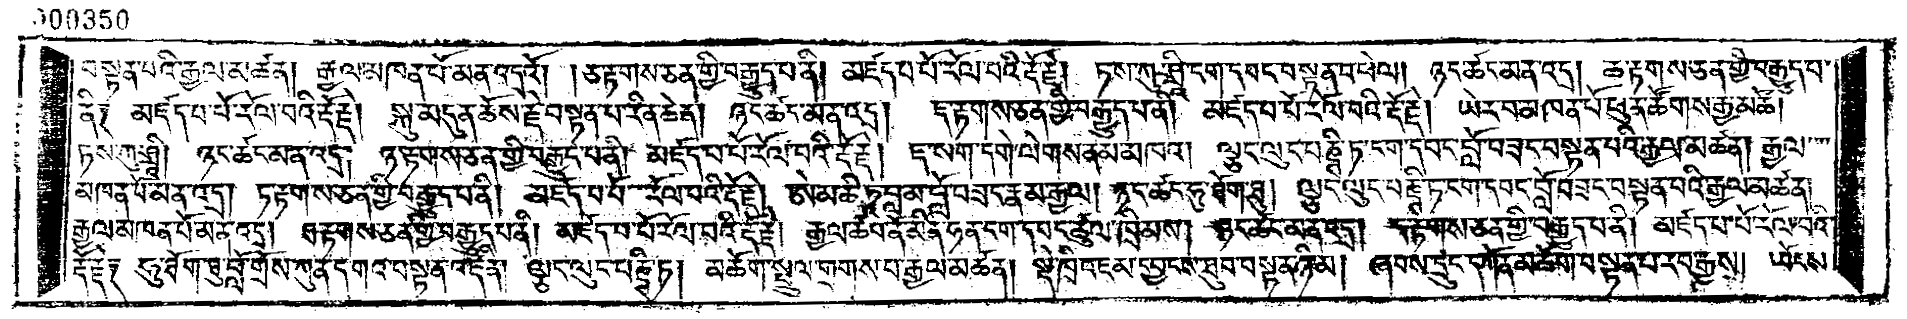བསྟན་པའི་རྒྱལ་མཚན། རྒྱལ་མཁན་པོ་མན་འདྲའོ། །ཅ་རྟགས་ཅན་གྱི་བརྒྱུད་པ་ནི། མཛད་པ་པོ་རོལ་བའི་རྡོ་རྗེ། ཏས་ཀུ་ཤྲཱི་ངག་དབང་བསྟན་འཕེལ། ཉང་ཚང་མན་འདྲ། ཆ་རྟགས་ཅན་གྱི་བརྒྱུད་པ་
ནི༑ མཛད་པ་པོ་རོལ་བའི་རྡོ་རྗེ། སྐུ་མདུན་ཆོས་རྗེ་བསྟན་པ་རིན་ཆེན། ཉང་ཚང་མན་འདྲ། ཇ་རྟགས་ཅན་གྱི་བརྒྱུད་པ་ནི། མཛད་པ་པོ་རོལ་བའི་རྡོ་རྗེ། ཡེར་བ་མཁན་པོ་ཕུན་ཚོགས་རྒྱ་མཚོ།
ཏས་ཀུ་ཤྲཱི། ཉང་ཚང་མན་འདྲ། ཉ་རྟགས་ཅན་གྱི་བརྒྱུད་པ་ནི། མཛད་པ་པོ་རོལ་བའི་རྡོ་རྗེ། ཇ་སག་དགེ་ལེགས་ནམ་མཁའ། ལྕང་ལུང་པཎྚི་ཏ་ངག་དབང་བློ་བཟང་བསྟན་པའི་རྒྱལ་མཚན། རྒྱལ་
མཁན་པོ་མན་འདྲ། ཏ་རྟགས་ཅན་གྱི་བརྒྱུད་པ་ནི། མཛད་པ་པོ་རོལ་བའི་རྡོ་རྗེ། ཨེ་མ་ཆི་ཏཱ་བླ་མ་བློ་བཟང་རྣམ་རྒྱལ། ཉང་ཚང་ཧུ་ཐོག་ཐུ། ལྕང་ལུང་པཎྚི་ཏ་ངག་དབང་བློ་བཟང་བསྟན་པའི་རྒྱལ་མཚན།
རྒྱལ་མཁན་པོ་མན་འདྲ། ཐ་རྟགས་ཅན་གྱི་བརྒྱུད་པ་ནི། མཛད་པ་པོ་རོལ་བའི་རྡོ་རྗེ། རྒྱལ་ཚབ་ནོ་མིན་ཧན་ངག་དབང་ཚུལ་ཁྲིམས། ཉང་ཚང་མན་འདྲ། ད་རྟགས་ཅན་གྱི་བརྒྱུད་པ་ནི། མཛད་པ་པོ་རོལ་བའི་
རྡོ་རྗེ༑ ཧུ་ཐོག་ཐུ་བློ་གྲོས་ཀུན་དགའ་བསྟན་འཛིན། ལྕང་ལུང་པཎྜི་ཏ། མཆོག་སྤྲུལ་གྲགས་པ་རྒྱལ་མཚན། སྡེ་ཁྲི་འཇམ་དབྱངས་ཐུབ་བསྟན་ཉི་མ། ཞབས་དྲུང་དཀོན་མཆོག་བསྟན་པ་རབ་རྒྱས། ཡོངས་